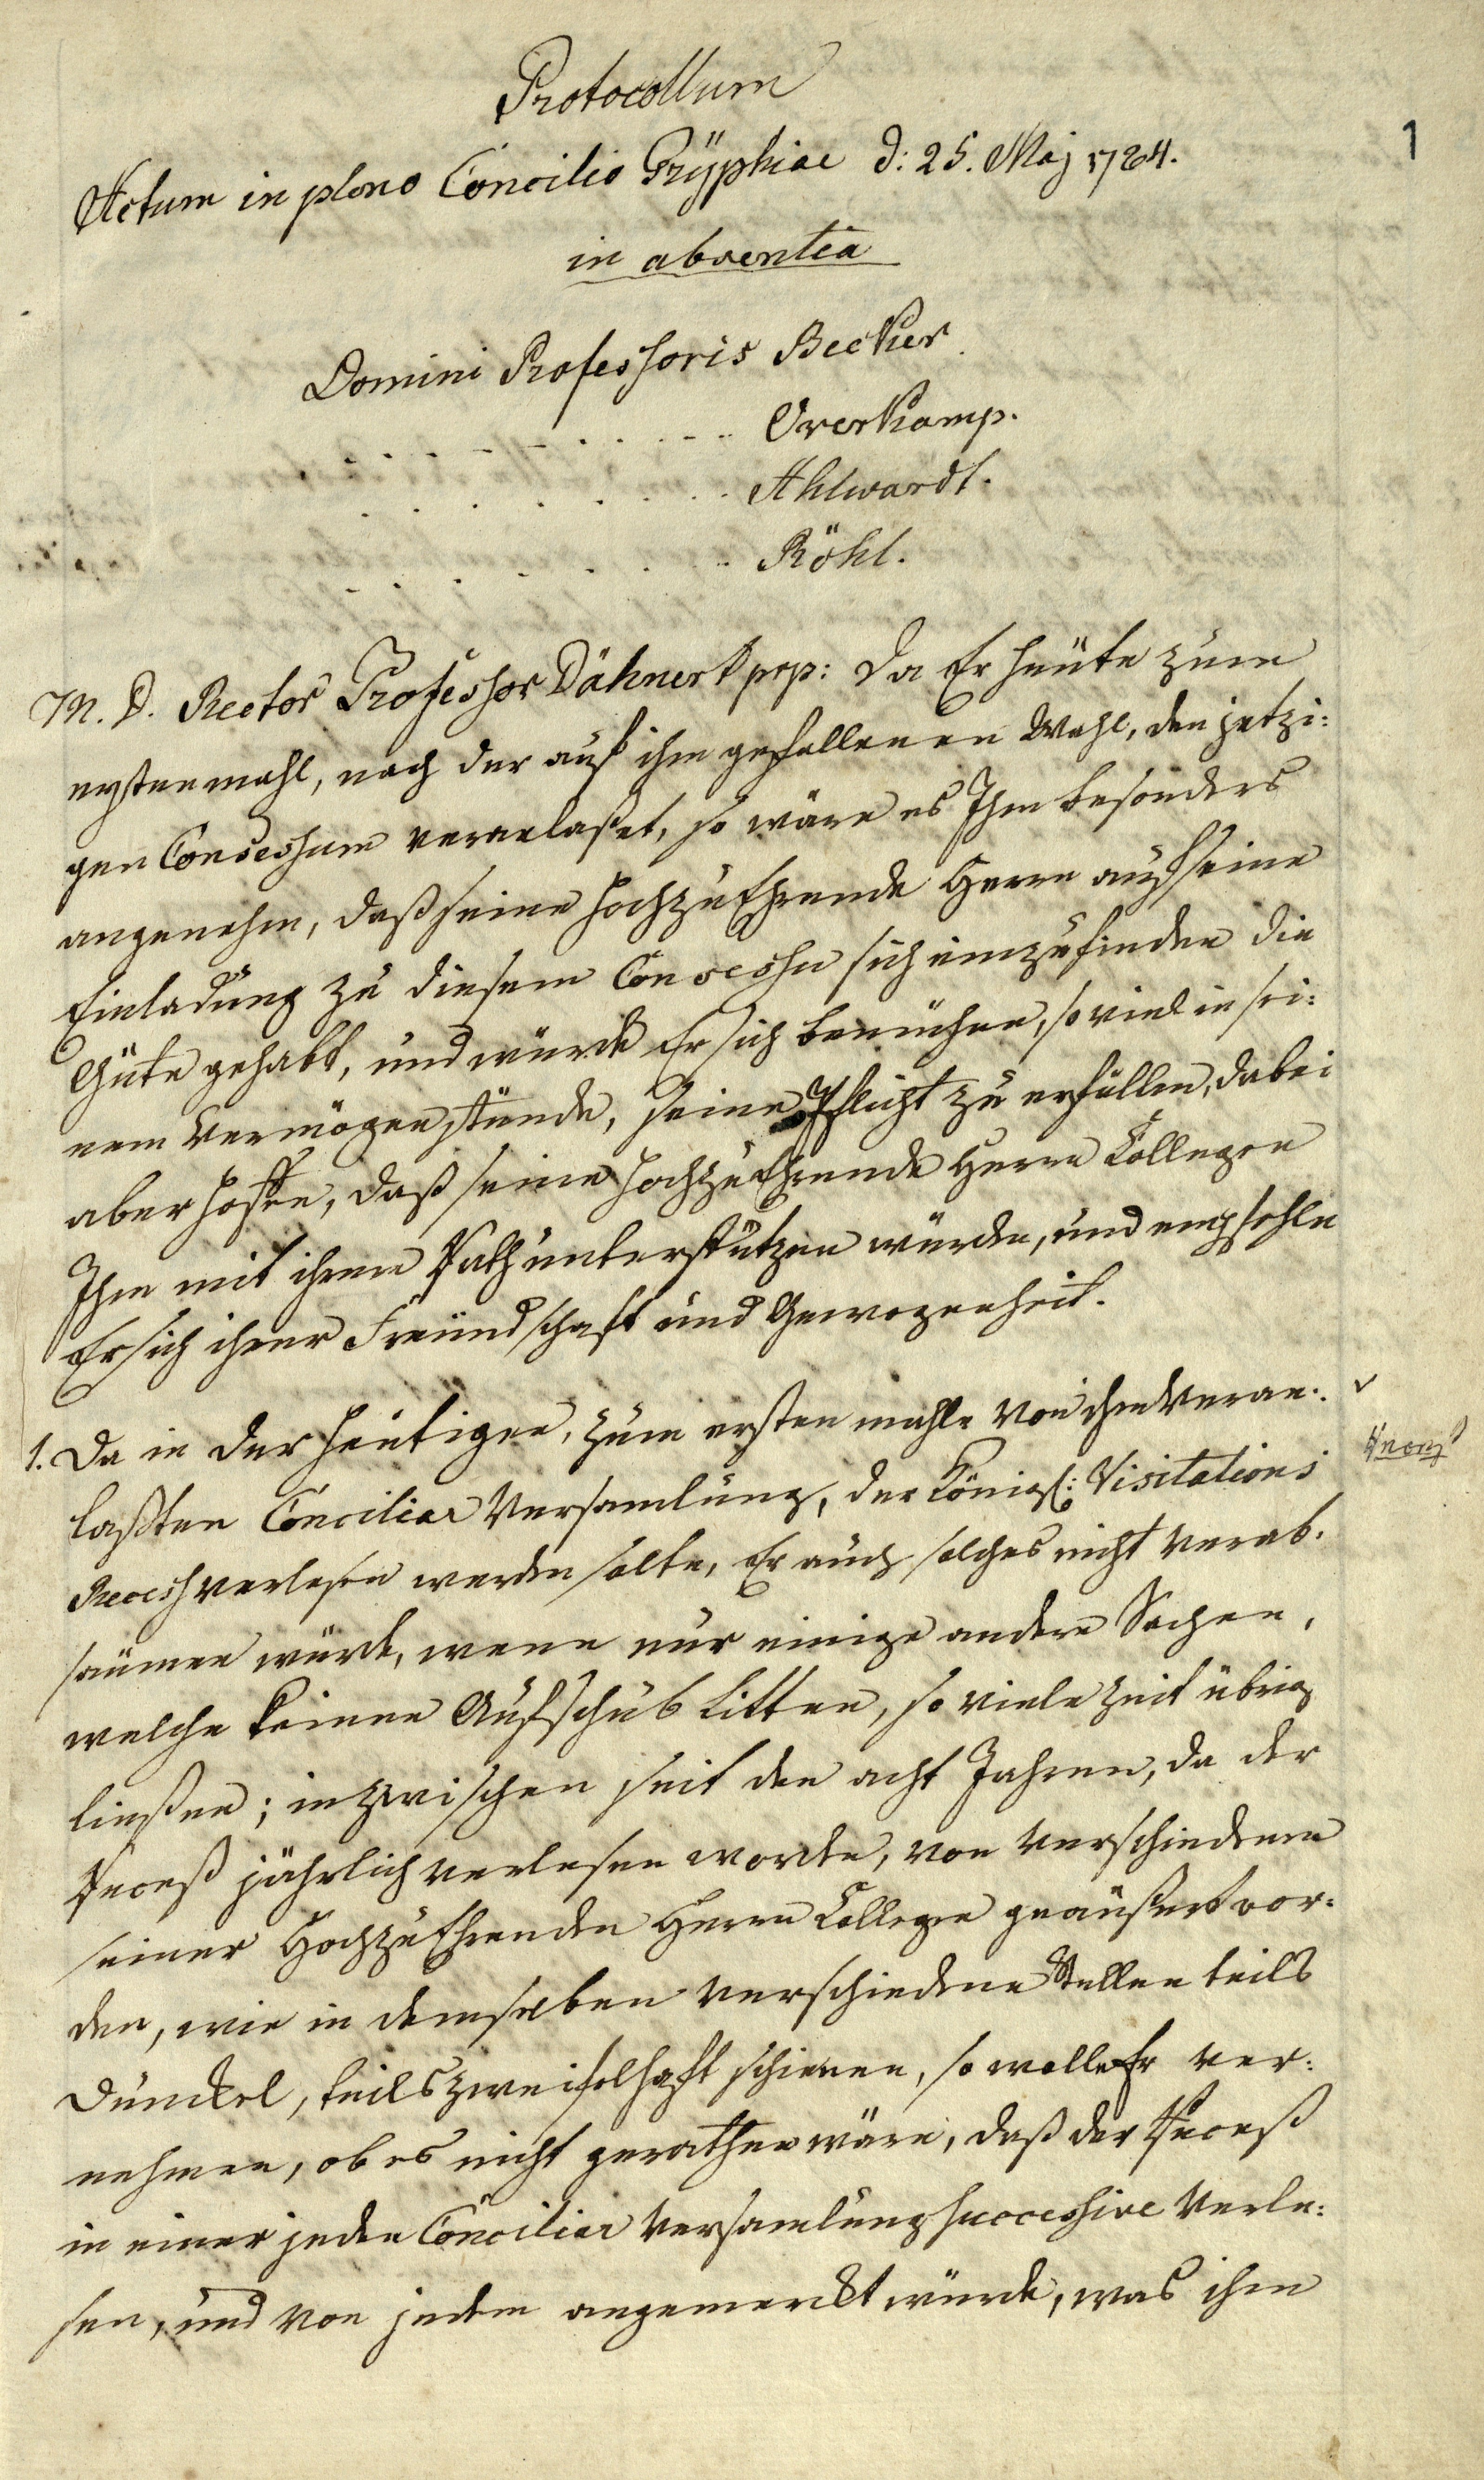Protocollum
Actum in pleno Concilio Grÿphiae d. 25. Maj 1784.
in absentia
Domini Professoris Becker.
Overkamp.
Ahlwardt.
Röhl.
M. D. Rector Professor Dähnert prp. Da Er heute zum
erstenmahl, nach der auf ihm gefallenen Wahl, den jetzi¬
gen Cosessum veranlaßet, so wäre es Ihm besonders
angenehm, daß seine hochzuEhrende Herrn auf seine
Einladung zu diesem Cosessu sich einzufinden die
Güte gehabt, und würde Er sich bemühen, soviel in sei¬
nem Vermögen stünde, seine Pflicht zu erfüllen, dabei
aber hoffen, daß seine hochzuEhrende Herrn Collegen
Ihm mit ihrem Rath unterstützen würden, und empfehle
Er sich ihrer Freundschaft und Gewogenheit.
1. Da in der heutigen, zum ersten mahle von ihm veran¬
laßten Conciliar Versamlung, der Königl. Visitations Receß
Recess verlesen werden solte, Er auch solches nicht verab¬
säumen würde, wenn nur einige andere Sachen,
welche keinen Aufschub litten, so viele Zeit übrig
ließen; inzwischen seit den acht Jahren, da der
Receß jährlich verlesen worden, von verschiedenen
seiner HochzuEhrenden Herrn Collegen geäußert wor¬
den, wie in demselben verschiedene Stellen teils
dunckel, teils zweifelhaft schienen, so wolle Er ver¬
nehmen, ob es nicht gerathen wäre, daß der Receß
in einer jeden Conciliar Versamlung successive verle¬
sen, und von jedem angemerckt würde, was ihm